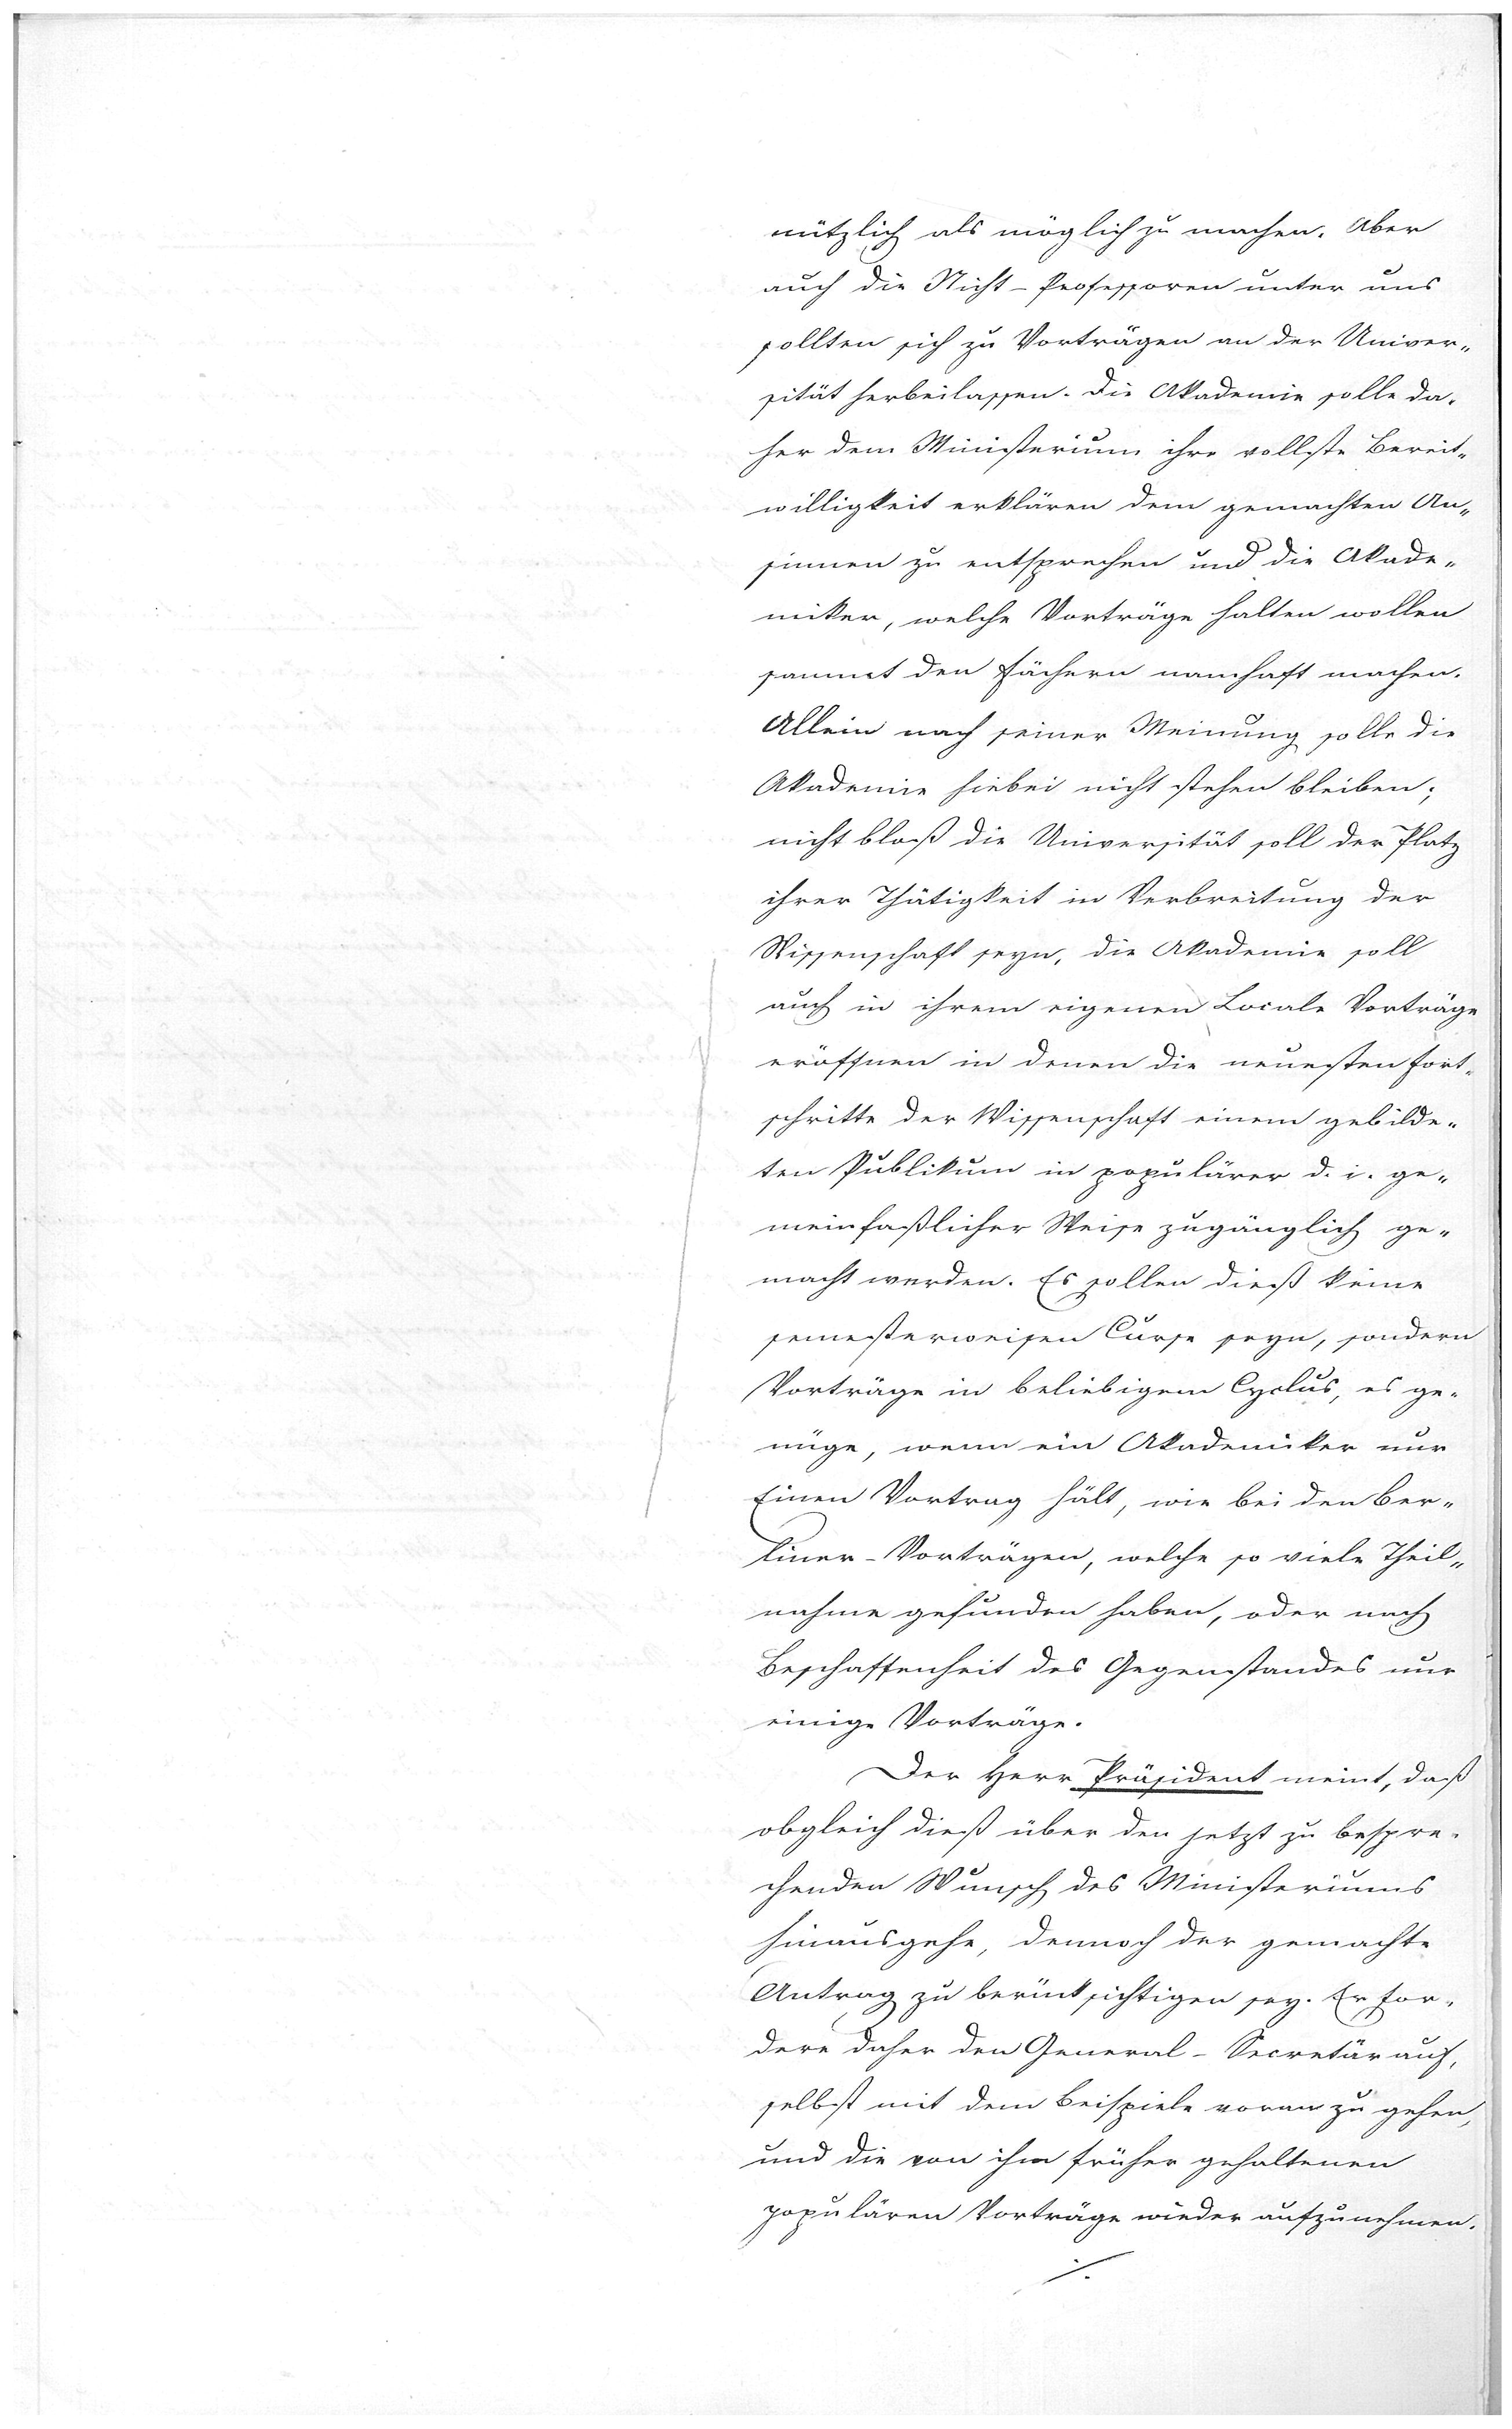nützlich als möglich zu machen. Aber
auch die Nicht-Professoren unter uns
sollten sich zu Vorträgen an der Univer-
sität herbeilassen. Die Akademie solle da-
her dem Ministerium ihre vollste Bereit-
willigkeit erklären dem gemachten An-
simmen zu entsprechen und die Akade-
miker, welche Vorträge halten wollen
sammt den Fächern namhaft machen.
Allein nach seiner Meinung solle die
Akademie hiebei nicht stehen bleiben;
nicht bloß die Universität soll der Platz
ihrer Thätigkeit in Verbreitung der
Wissenschaft seyn, die Akademie soll
auch in ihren eigenen Locale Vorträge
eröffnen in denen die neuesten Fort-
schritte der Wissenschaft einem gebilde-
ten Publikum in populärer d. i. ge-
meinfaßlicher Weise zugänglich ge-
macht werden. Es sollen dieß keine
semesterweisen Curse seyn, sondern
Vorträge in beliebigem Cyclus, es ge-
nüge, wenn ein Akademiker nur
einen Vortrag hält, wie bei den Ber-
liner Vorträgen, welche so viele Theil-
nehmer gefunden haben, oder nach
Beschaffenheit des Gegenstandes nur
einige Vorträge.
Der Herr Präsident meint, daß
obgleich dieß über den jetzt zu bespre-
chenden Wunsch des Ministeriums
hinausgehe, dennoch der gemachte
Antrag zu berücksichtigen sey. Er for-
dere daher den General-Secretär auf,
selbst mit dem Beispiels voranzugehen,
und die von ihm früher gehaltenen
populären Vorträge wieder aufzunehmen.